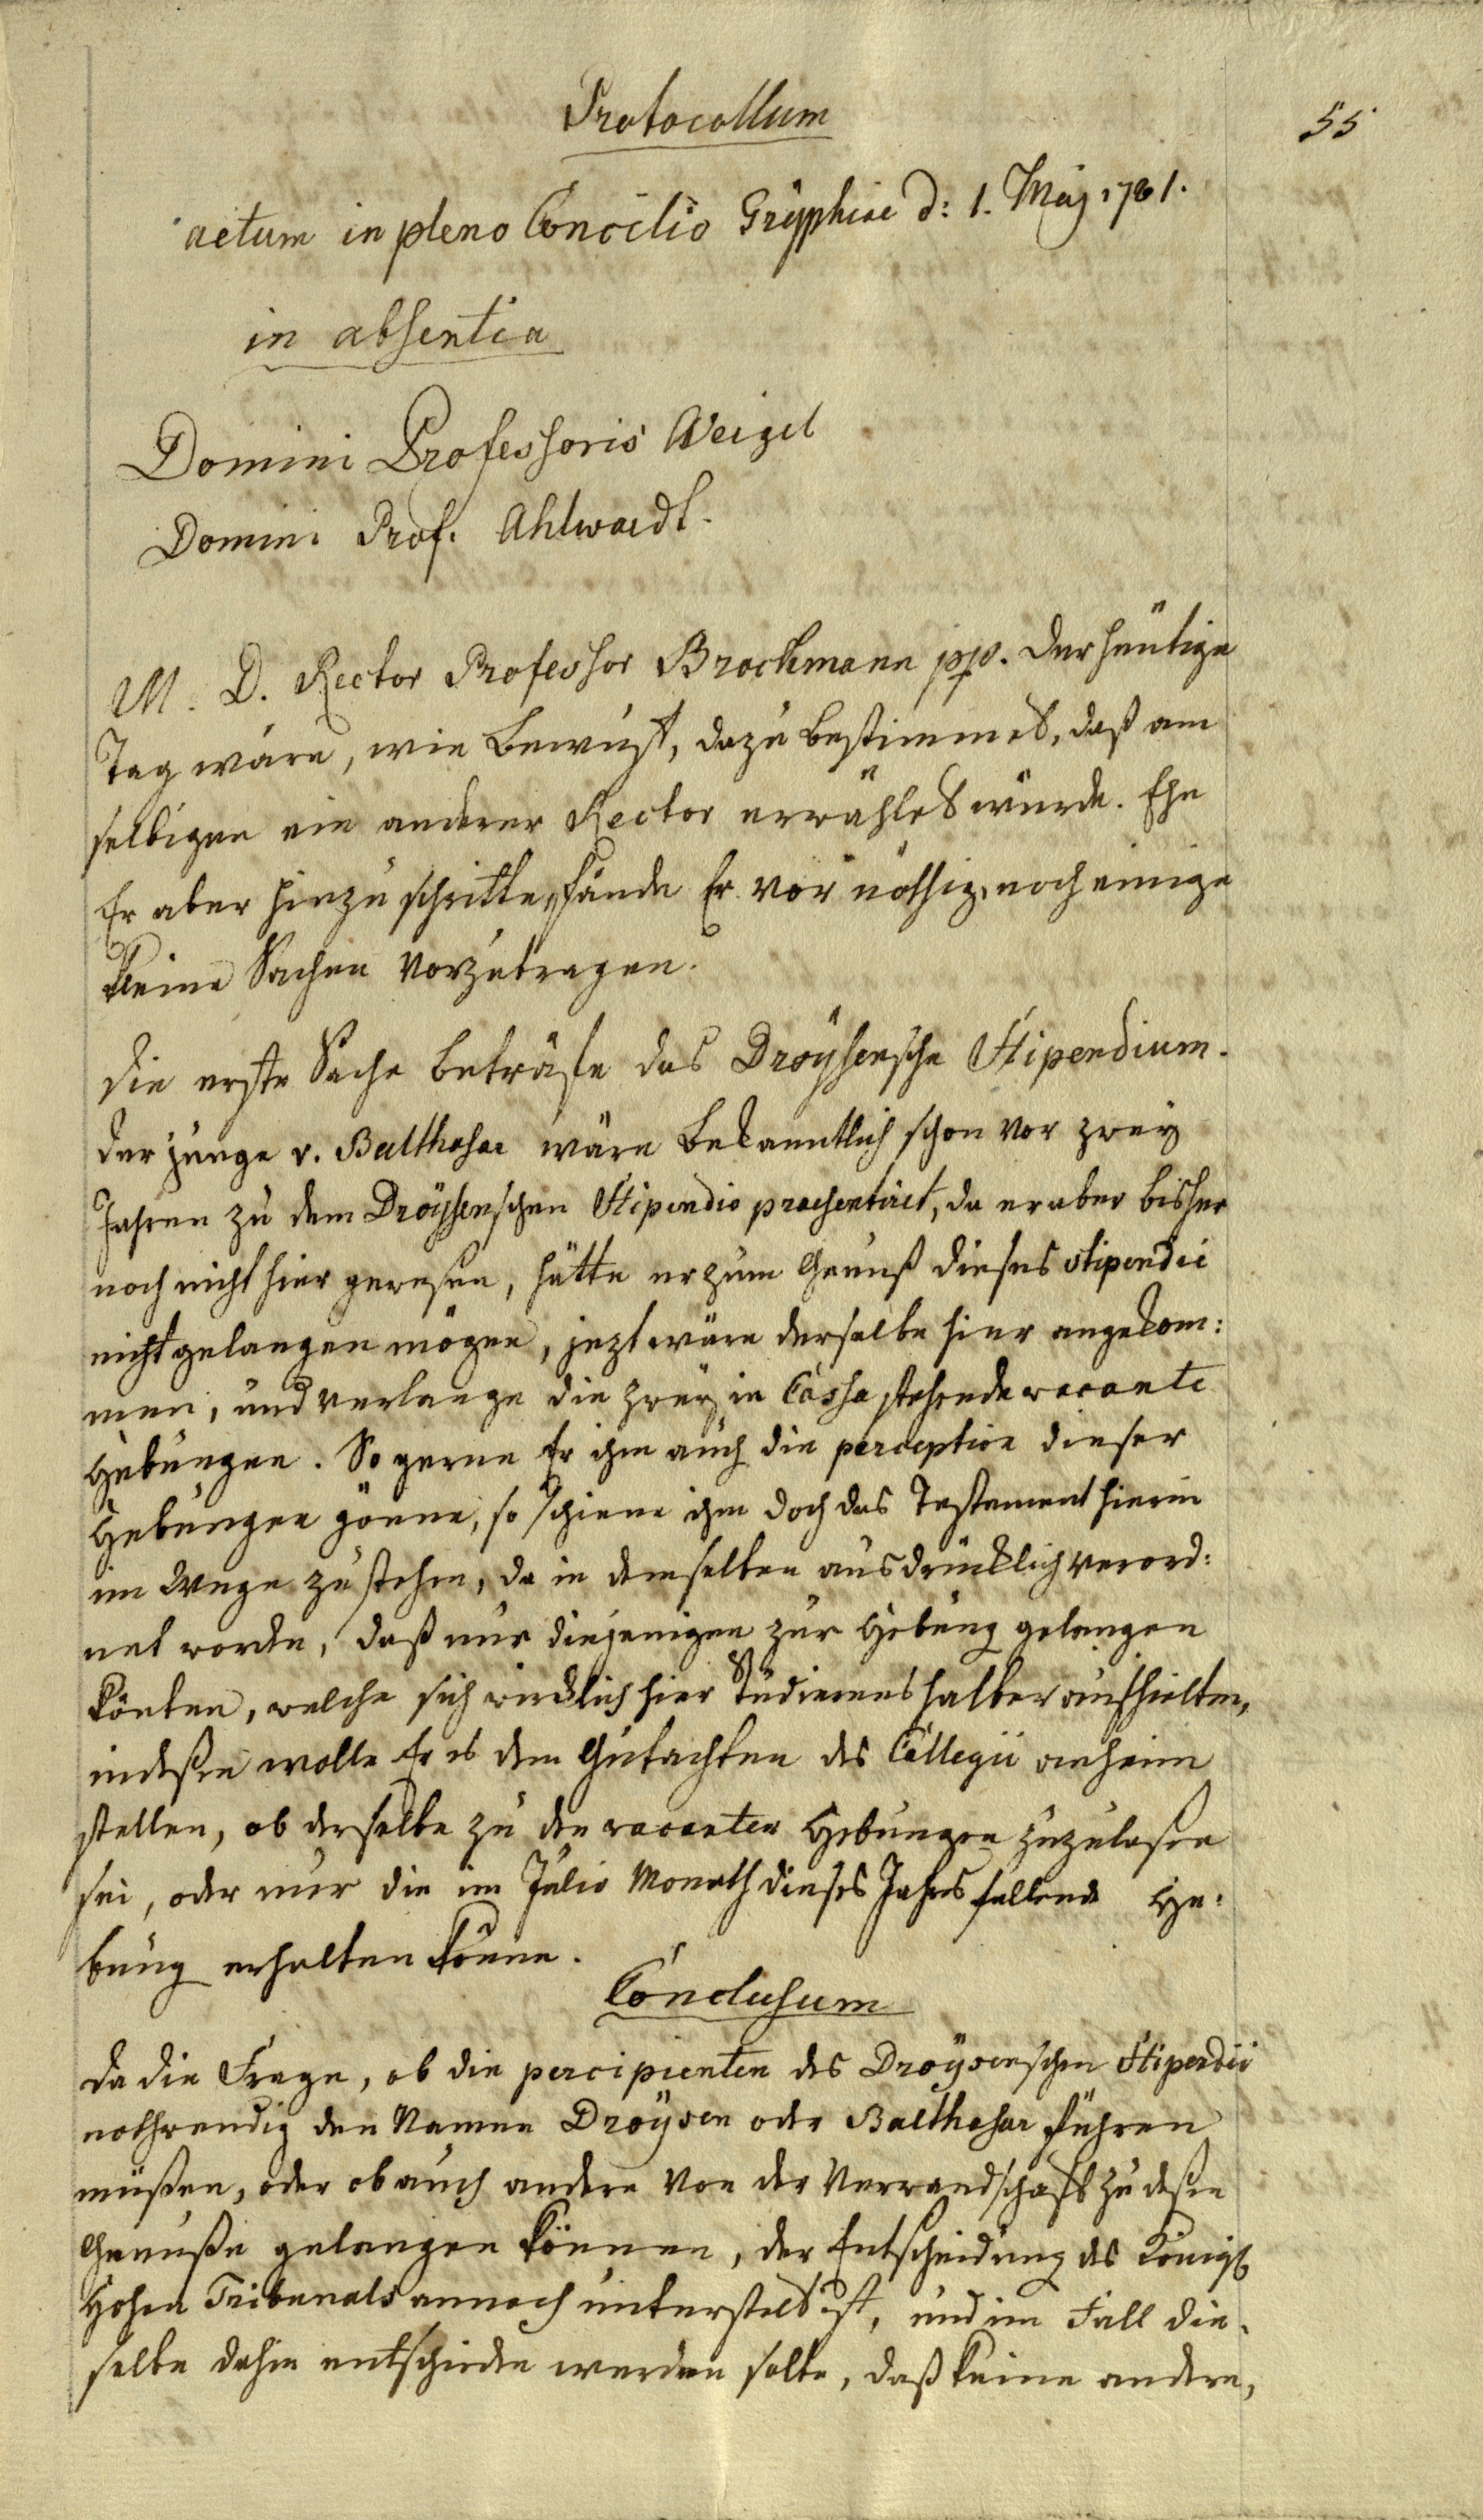Protocollum
actum in pleno Concilio Grÿphiae d. 1. Maj 1781.
in absentia
Domini Professoris Weigel
Domini Prof. Ahwardt.
M. D. Rector Professor Brockmann pp. Der heutige
Tag wäre, wie bewust, dazu bestimmet, daß am
selbigen ein anderer Rector erwählet würde. Ehe
Er aber hiezu schritte, fände Er vor nöthig, noch einige
kleine Sachen vorzutragen.
Die erste Sache beträfe das Droÿsensche Stipendium.
der junge v. Balthasar wäre bekanntlich schon vor zweÿ
Jahren zu dem Droÿsenschen Stipendio praesentiret, da er aber bisher
noch nicht hier gewesen, hätte er zum Genuß dieses stipendii
nicht gelangen mögen, jezt wäre derselbe hier angekom¬
men, und verlange die zweÿ in Cassa stehende vacante
Hebungen. So gerne Er ihm auch die perception dieser
Hebungen gönne, so schien ihm doch das Testament hierin
im Wege zu stehen, da in demselben ausdrücklich verord¬
net worden, daß nur diejenigen zur Hebung gelangen
könten, welche sich wircklich hier Studierens halber aufhielten,
indeßen wolle Er es dem Gutachten des Collegii anheim
stellen, ob derselbe zu den vacanten Hebungen zuzulaßen
sei, oder nur die im Julio Monath diese Jahres fallende He¬
bung erhalten könne.
Conclusum
Da die Frage, ob die percipienten des Droÿsenschen Stipendii
nothwendig den Namen Droÿsen oder Balthasar führen
müßen, oder ob auch andere von der Verwandschaft zu deßen
Genuße gelangen können, der Entscheidung des Königl.
Hohen Tribunals annoch unterstelt ist, und im Fall die¬
selbe dahin entschieden werden solte, daß keine andern,